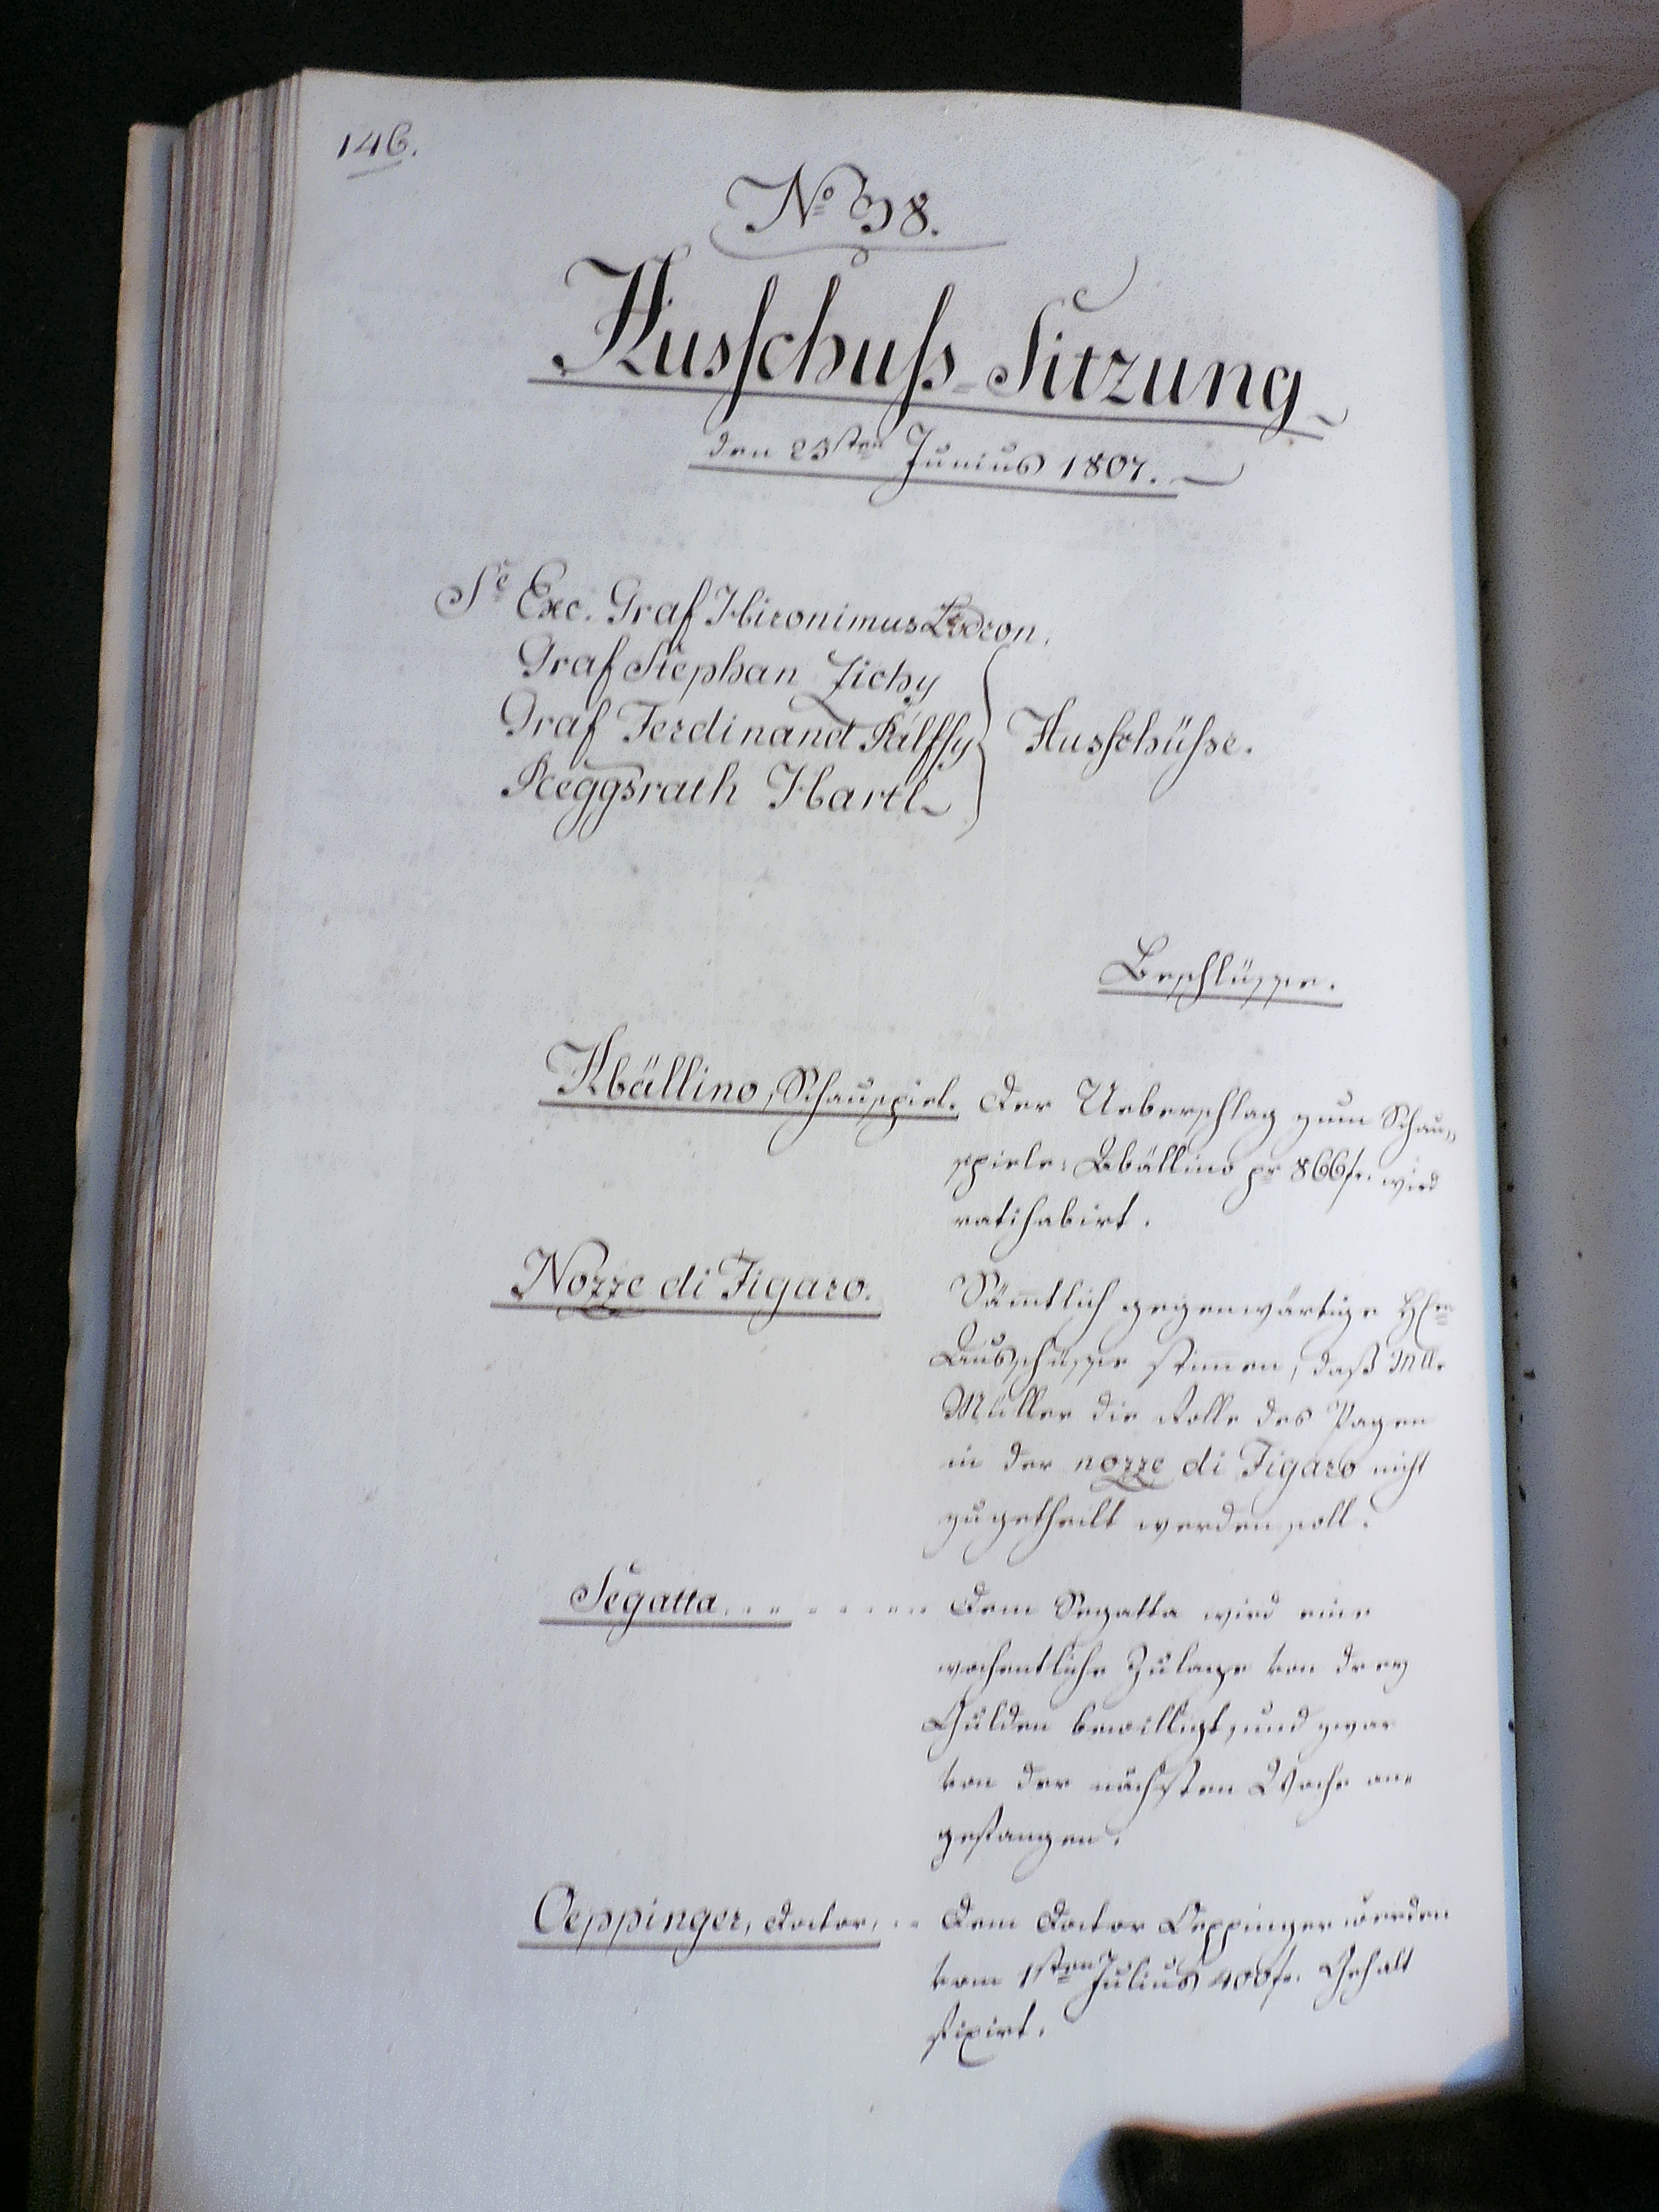146.
No͇ 38.
Ausschuss‗Sitzung
den 23ste͇n Junius 1807.
Se͇ Exc. Graf Hironimus Lodron
Graf Stephan Zichy
Graf Ferdinand Pálffy
Reg͞gsrath Hartl.
Ausschchüsse.
Beschlüsse.
Abällino, Schauspiel. Der Ueberschlag zum Schau¬
spiele, Abällino pr͇ 866fr. wird
ratihabirt.
Nozze di Figuro. Säm̅tlich gegenwärtige HEr͇n
Ausschüsse stim̅en, daß Mlle.
Müller die Rolle des Pagen
in der nozze di Figaro nicht
zugetheilt werden soll.
Segatta. . .. .. .. .. Dem Segatta wird eine
wochentliche Zulage von drey
Gulden bewilligt, und zwar
von der nächsten Woche an¬
gefangen.
Oeppinger, Doctor, . .. Dem Doctor Oeppinger werden
vom 1ste͇n Julius 400fr. Gehalt
fixirt.